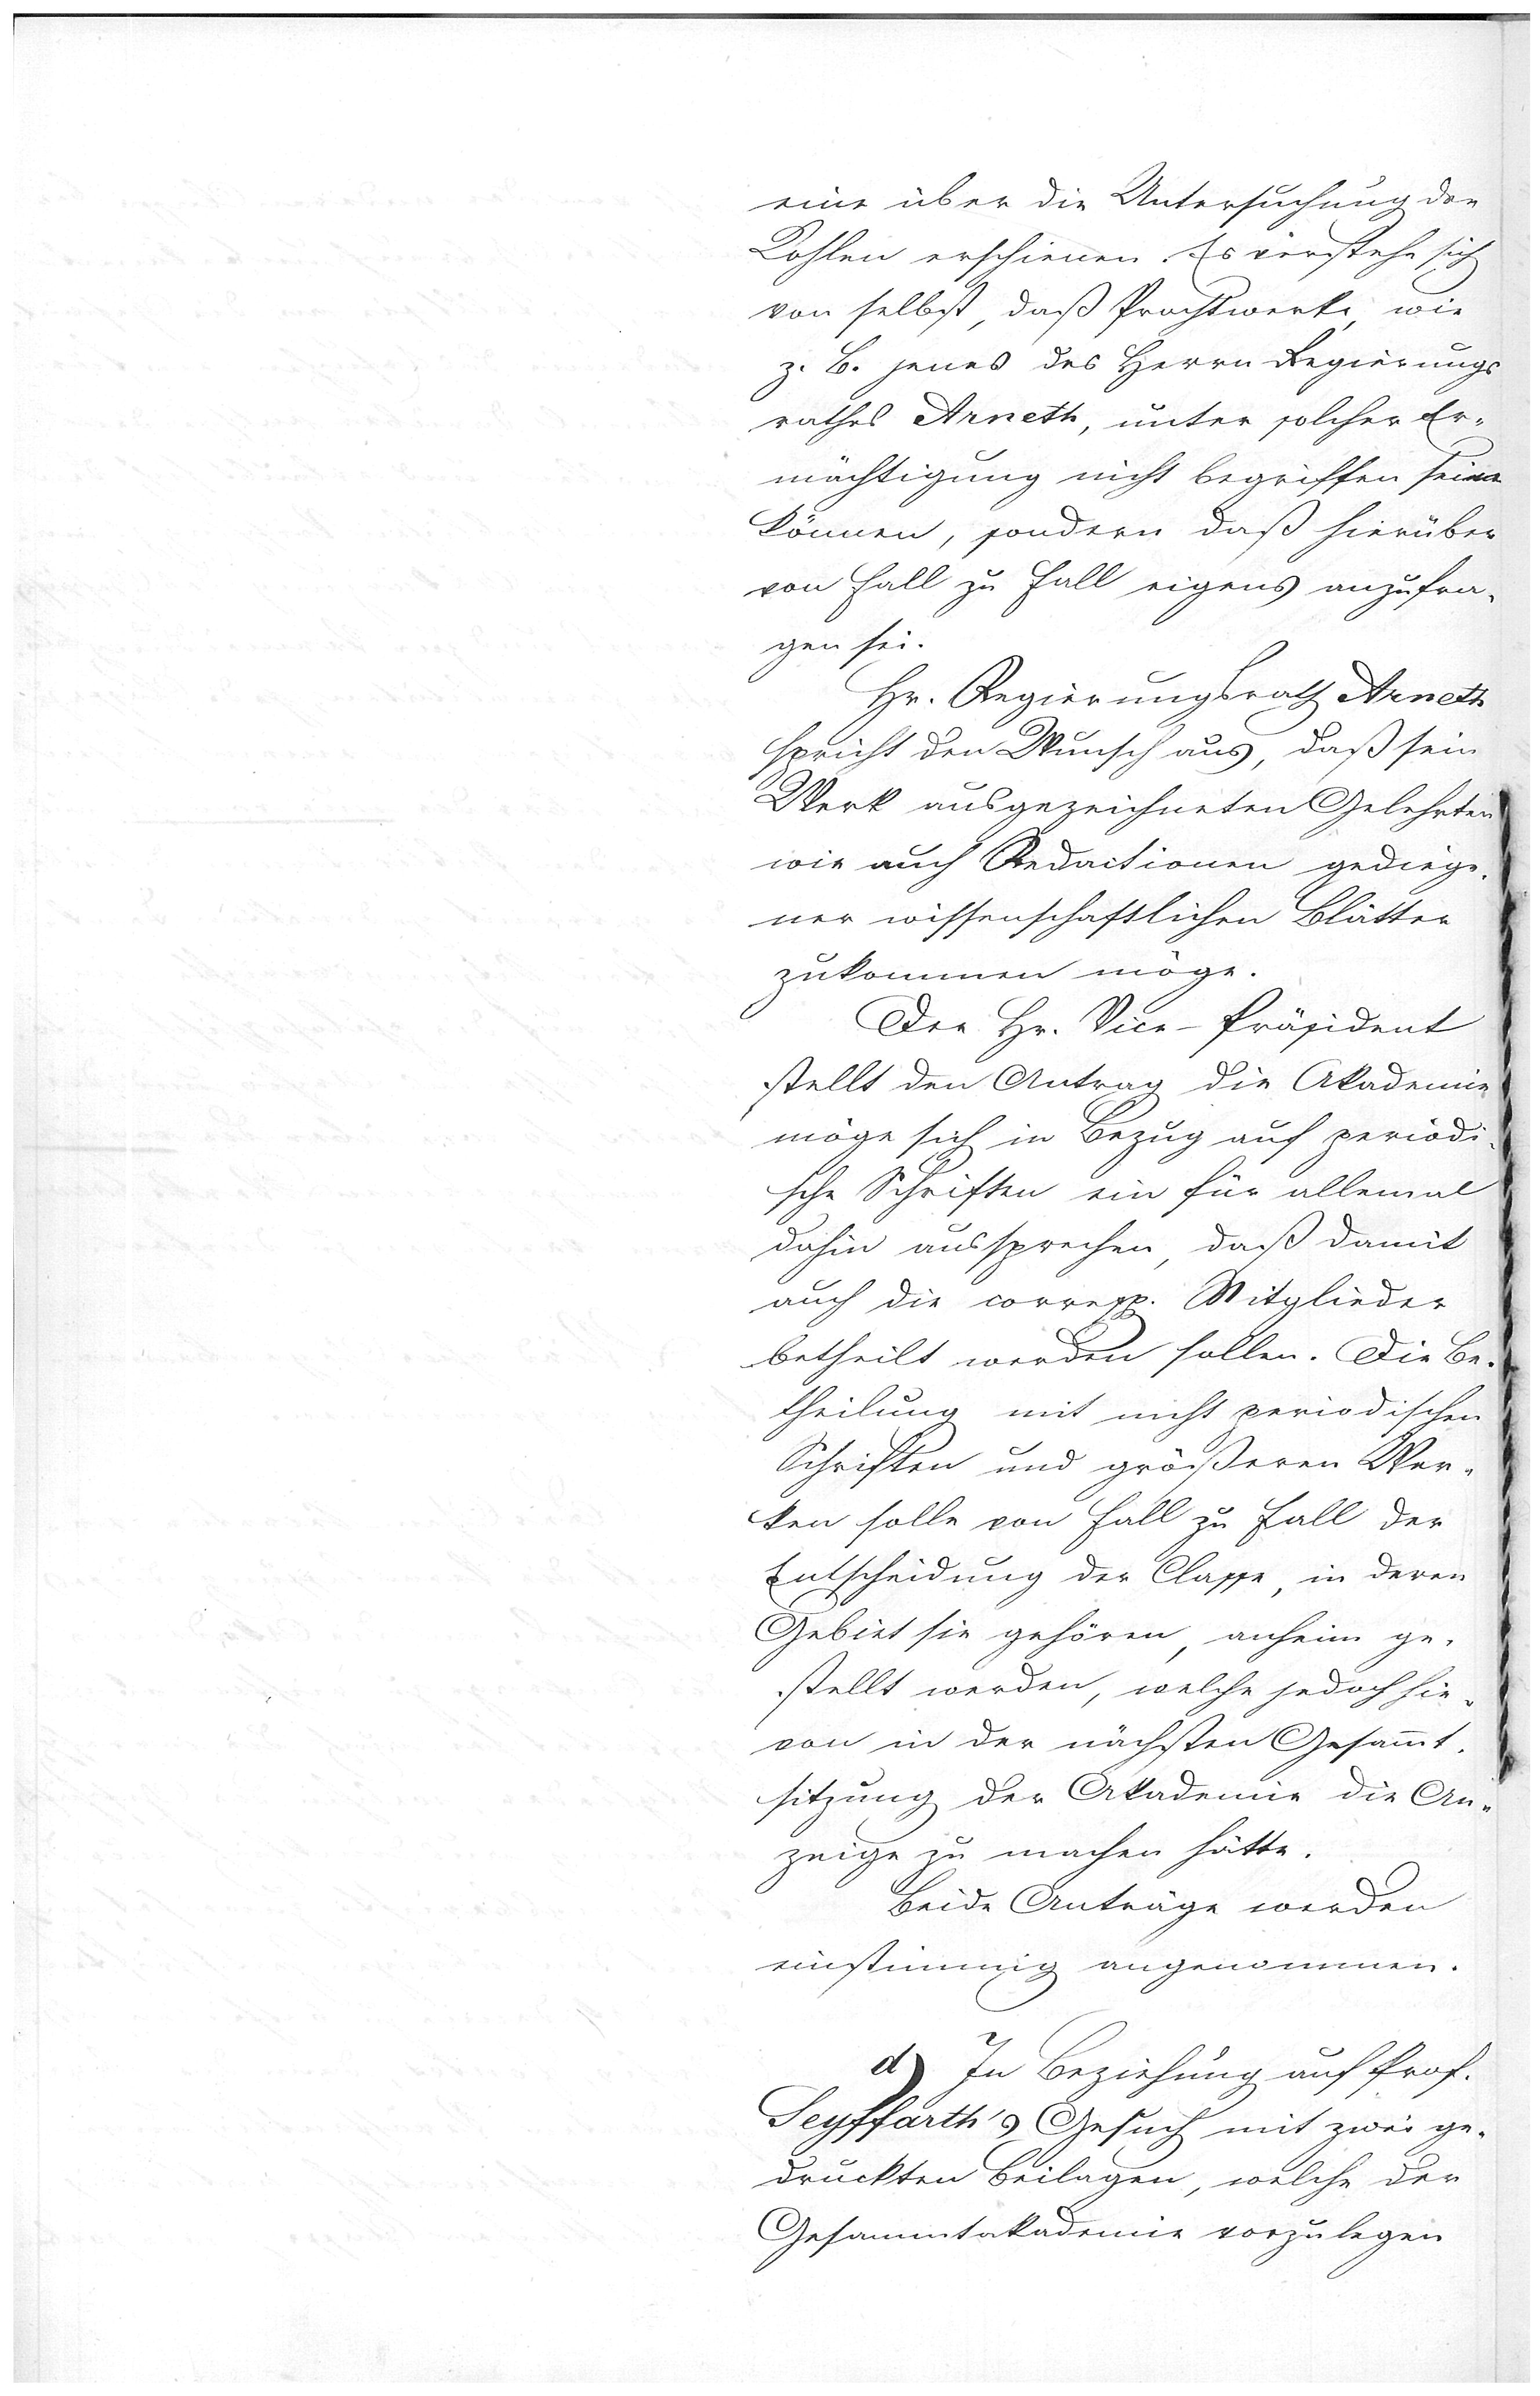eine über die Untersuchung der
Kohlen erschienen. Es verstehe sich
von selbst, daß Prachtwerke, wie
z. B. jenes des Herrn Regierungs-
rathes Arneth, unter solcher Er-
mächtigung nicht begriffen sein
können, sondern daß hierüber
von Fall zu Fall eigens anzufra-
gen sei.
Hr. Regierungsrath Arneth
spricht den Wunsch aus, daß sein
Werk ausgezeichneten Gelehrten
wie auch Redactionen gediege-
ner wissenschaftlichen Blätter
zukommen möge.
Der Hr. Vice-Präsident
stellt den Antrag die Akademie
möge sich in Bezug auf periodi-
sche Schriften ein für allemal
dahin aussprechen, daß damit
auch die corresp. Mitglieder
betheilt werden sollen. Die Be-
theilung mit nicht periodischen
Schriften und größeren Wer-
ken solle von Fall zu Fall der
Entscheidung der Classe, in deren
Gebiet sie gehören, anheim ge-
stellt werden, welche jedoch hie-
von in der nächsten Gesammt-
sitzung der Akademie die An-
zeige zu machen hätte.
Beide Anträge werden
einstimmig angenommen.
d) In Beziehung auf Prof.
Seyffarth's Gesuch mit zwei ge-
druckten Beilagen, welche der
Gesammtkademie vorzulegen